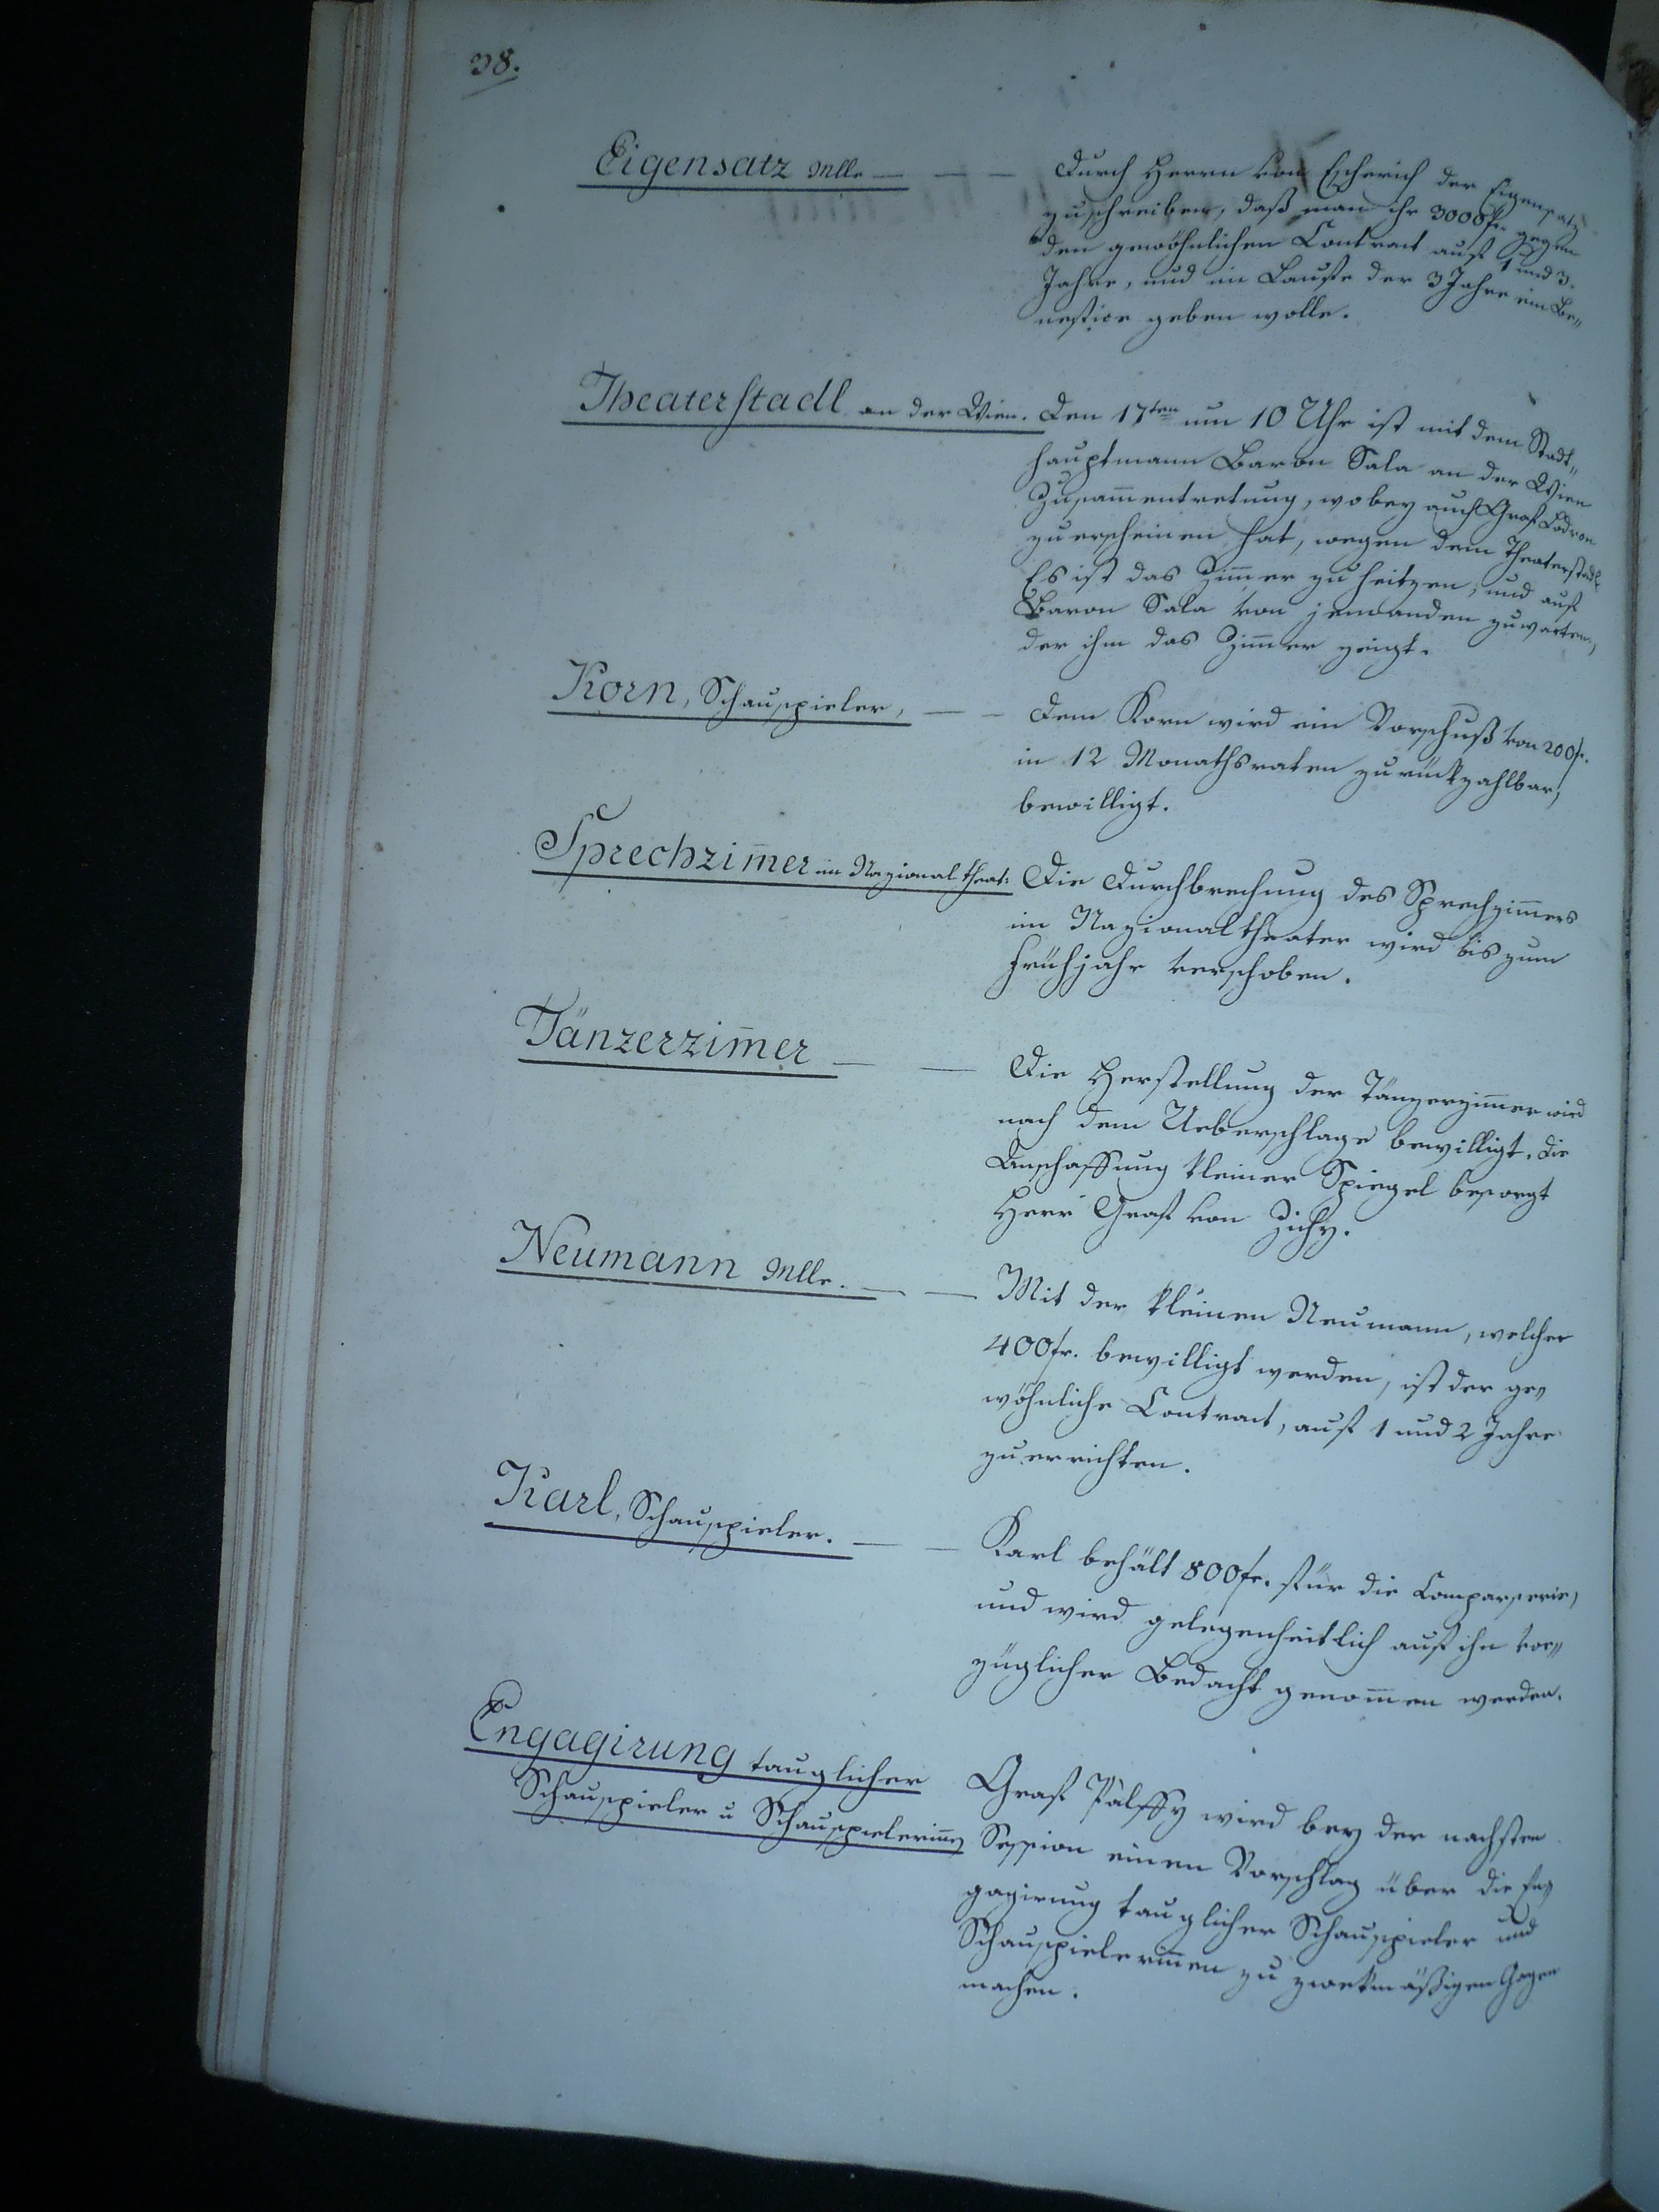38.
Eigensatz Mlle _ _ _ Durch Herrn von Escherich der Eigensatz
zuschreiben, daß man ihr 3000fr. gegen
den gewöhnlichen Contract auf 1 und 3.
Jahre, und im Laufe der 3 Jahre ein Be¬
nefice geben wolle.
Theaterstadl an der Wien. Den 17te͇n um 10 Uhr ist mit dem Stadt¬
hauptmann Baron Sala an der Wien
Zusam̅entretung, wobey auch Graf Lodron
zu erscheinen hat, wegen dem Theaterstadl.
Es ist das Zim̅er zu heitzen, und auf
Baron Sala von jemanden zuwarten,
der ihm das Zim̅er zeigt.
Korn, Schauspieler, __ _ Dem Korn wird ein Vorschuß von 200fr.
in 12 Monathsraten zurückzahlbar,
bewilligt.
Sprechzim̅er im Nazionaltheat: Die Durchbrechung das Sprechzim̅ers
im Nazionaltheater wird bis zum
Frühjahr verschoben.
Tänzerzim̅er _ _ Die Herstellung der Tänzerzim̅er wird
nach dem Ueberschlage bewilligt, die
Anschaffung kleiner Spiegel besorgt
Herr Graf von Zichy.
Neumann Mlle. __ __ Mit der kleinen Neumann, welcher
400fr. bewilligt werden, ist der ge¬
wöhnliche Contract, auf 1 und 2 Jahre
zu errichten.
Karl, Schauspieler. _ _ Karl behält 800fr. für die Comparserie,
und wird gelegenheitlich auf ihn vor¬
züglicher Bedacht genomen werden.
Engagirung tauglicher
Schauspieler u Schauspielerin̅en
Graf Pàlffy wird bey der nachsten
Session einen Vorschlag über die En¬
gagirung tauglicher Schauspieler und
Schauspielerin̅en zu zwekmäßigen Gagen
machen.